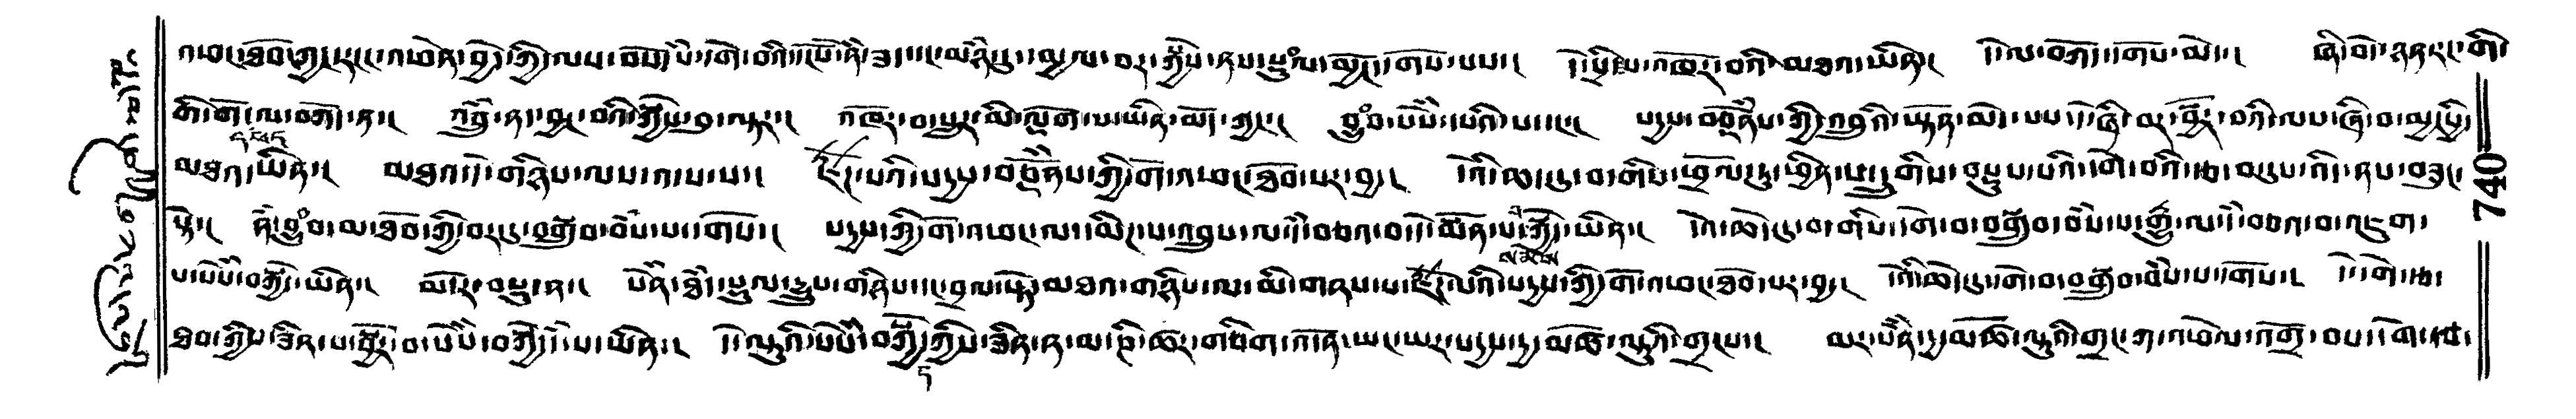འཕང་ཐོབ་ཀྱང་རང་འཕེན་བྱེད་ཀྱི་ལས་བསོད་ནམས་དགེ་བའི་དངོས་པོ་ནམ་ཟད་དང་མཉམ་དུ་དམྱལ་བར་སྐྱེས་ནས་སྡུག་བསྔལ་མྱོང་དགོས་པས། དེ་སྲིད་པ་འཁོར་བའི་མཐའ་ཡིན། དེ་ལ་བཀོད་དགོས་མེད། ཞི་བདེ་ཉན་རང་གི་
གོ་འཕང་ལ་བཀོད་ན། འབྲུམ་ནད་བྱང་བའི་སྐྱེས་བུ་ལྟར་འཁོར་བར་སླར་མི་ལྡོག་པ་ཡིན་མོད་ཀྱང་། བྱང་ཆུབ་སེམས་དཔའི་ས་དང་། སངས་རྒྱས་བཅོམ་ལྡན་འདས་ཀྱི་འབྲས་བུའི་ཡོན་ཏན་མེད་པས་དེ་ཞི་བར་སྦྱོར་བའི་ལས་ཞི་བ་མྱང་འདས་ཀྱི་
མཐའ་ཡིན། མཐའ་དེ་གཉིས་ལས་འདས་པ། རྫོགས་པའི་སངས་རྒྱས་བཅོམ་ལྡན་འདས་ཀྱི་གོ་འཕང་ཐོབ་པར་བྱ། དེའི་ཆེད་དུ་བདག་གིས་ཕ་རོལ་ཏུ་ཕྱིན་པ་དྲུག་གིས་བསྡུས་པའི་དགེ་བའི་རྩ་བ་དུས་འདི་ནས་བཟུང་
སྟེ།ནམ་བྱང་ཆུབ་མ་ཐོབ་ཀྱི་བར་དུ་བསྒྲུབ་བསམ་པ་དགོས། སངས་རྒྱས་གོ་འཕང་ལ་དམིགས་པ་འབྲས་བུ་ལ་དམ་བཅའ་བ་དེ་སྨོན་པ་སེམས་བསྐྱེད་ཡིན། དེའི་ཆེད་དུ་བདག་གིས་དགེ་བ་བསྒྲུབ་བསམ་པ་རྒྱུ་ལ་དམ་བཅའ་བ་འཇུག་
པ་སེམས་བསྐྱེད་ཡིན། མདོར་བསྡུ་ན། སེམས་ཅན་ཐམས་ཅད་སྡུག་བསྔལ་རྒྱུ་འབྲས་གཉིས་དང་བྲལ་སྟེ་མཐའ་གཉིས་ལ་མི་གནས་པ་རྫོགས་པའི་སངས་རྒྱས་ཀྱི་གོ་འཕང་ཐོབ་པར་བྱ། དེའི་ཆེད་དུ་དགེ་བ་བསྒྲུབ་བསམ་པ་དགོས། དེ་དགེ་རྩ་
ཐབས་ཀྱིས་ཟིན་པ་སྦྱོར་བ་སེམས་བསྐྱེད་དམ་པ་ཡིན། དེ་ལྟ་བུའི་སེམས་བསྐྱེད་ཀྱིས་ཟིན་ན་མ་ཎི་ཚར་གཅིག་འདོན་ཡང་ཡར་སངས་རྒྱས་རྒྱ་མཚོ་ལྟ་བུའི་གྲངས། མར་སེམས་ཅན་རྒྱ་མཚོ་ལྟ་བུའི་གྲངས་ཀ་འཕེལ་འགྲོ་བས་དགེ་རྩ་